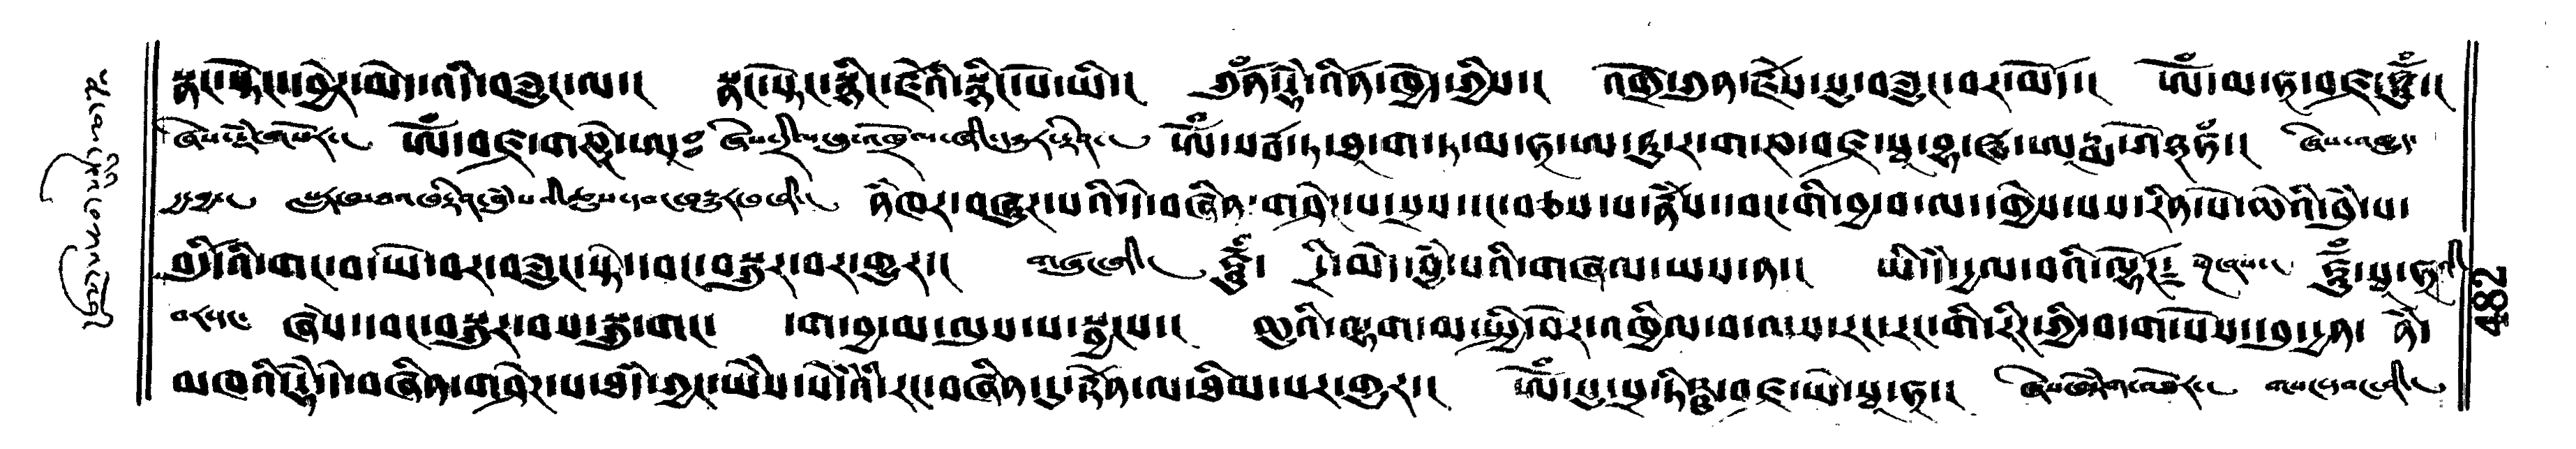།སྣང་སྟོང་དབྱེར་མེད་འདི་བཟུང་ལ། །སྣང་སྟོང་སྙིང་རྗེའི་སྙིང་པོ་ཡི། །ཀུན་བཟང་རྡོ་རྗེ་འཛིན་ཁྱོད་ཀྱིས། །འགྲོ་ཀུན་རྗེས་སུ་བཟུང་བར་མཛོད། ཨོཾ་མ་ཧཱ་བཛྲ་ཧཱུྃ། 
ཞེས་རྡོ་རྗེ་གསོར། ཨོཾ་བཛྲ་གཎྜེ་ཨཱཿ ཞེས་དྲིལ་བུ་འཁྲོལ་ཞིང་དཀུར་རྟེན། ཨོཾ་སརྦ་ཏ་ཐཱ་ག་ཏ་མ་ཧཱ་ཨ་ནུ་ར་ག་ཎ་བཛྲ་སྭ་ཝ་ཨཏྨ་ཀོ྅་ཧཾ། ཞེས་འཁྱུད་
རྒྱ་བྱ། སླར་མཐའ་བརྟེན་བུམ་པའི་ཆུས་དབང་བསྐུར་བ་ནི། ནམ་མཁར་བཞུགས་པའི་དེ་བཞིན་གཤེགས་པ་སྲས་དང་བཅས་པ་རྣམས་དབང་གི་བྱ་བ་ལ་དགྱེས་པས་རིན་པོ་ཆེའི་བུམ་པ་
བདུད་རྩིའི་གང་བ་ཡོངས་སུ་བཟུང་སྟེ་དབང་བསྐུར་བར་གྱུར། གཞུང་གི ཧཱུྃ། དྲི་མེད་བུམ་པའི་གཞལ་ཡས་ན། །ཡི་དམ་རྒྱལ་བའི་ལྷ་ཚོགས༴ སོགས་ནས་ཧཱུྃ་སྭ་ཧཱའི
་བར་དང་། ཞེས་དབང་བསྐུར་བས་སྐུ་གང་། དག་བྱ་མ་ལུས་པ་སྦྱངས། ཆུའི་ལྷག་མ་སྤྱི་བོར་འཁྱིལ་བ་ལས་རང་རང་གི་རིགས་ཀྱི་བདག་པོས་དབུ་རྒྱན། ནམ་
མཁའི་རྡོ་རྗེ་དེ་བཞིན་གཤེགས་པ་ཐམས་ཅད་ཀྱང་ཡེ་ཤེས་སེམས་དཔའི་རང་བཞིན་དུ་རྟེན་ལ་ཐིམ་པར་གྱུར།ཨོཾ་སུ་པྲ་ཏིཥྛ་བཛྲ་ཡེ་སྭ་ཧཱ། ཞེས་མེ་ཏོག་འཐོར། གསང་དབང་ནི།